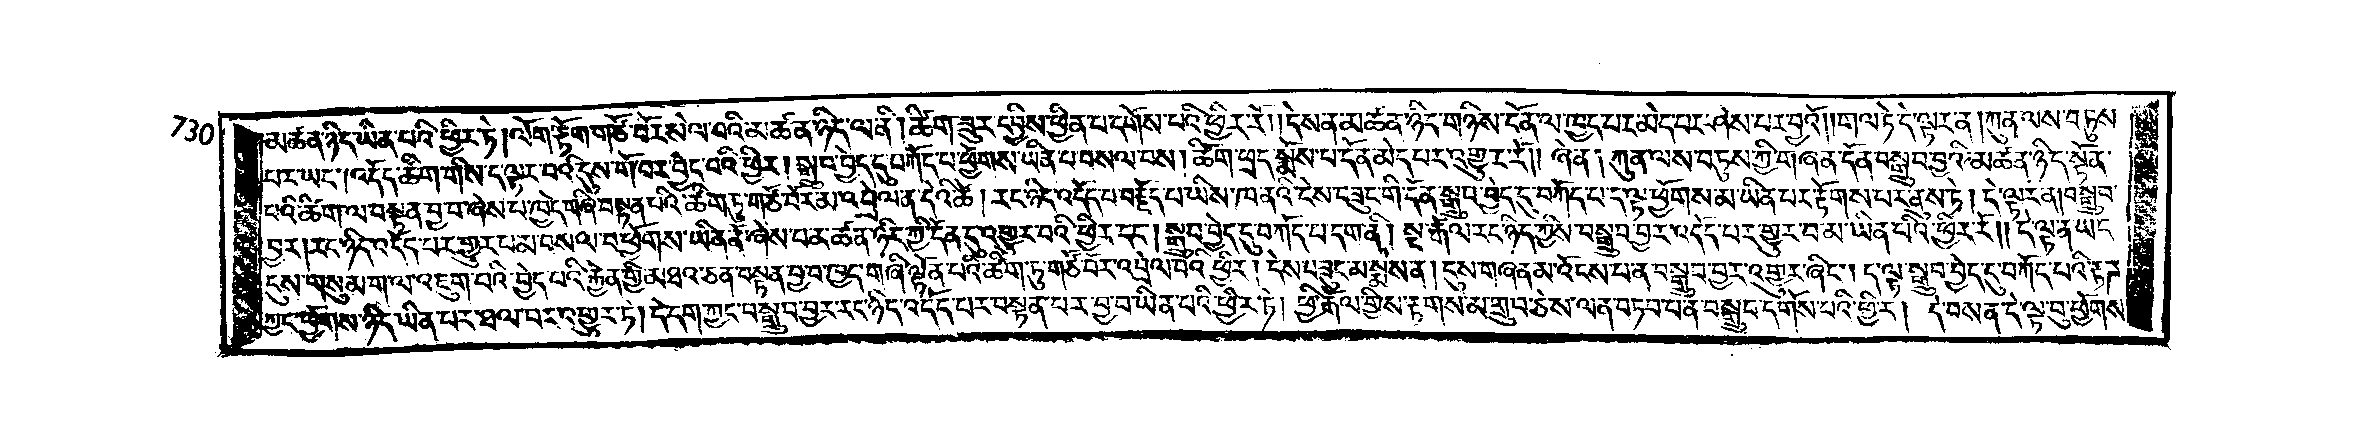མཚན་ཉིད་ཡིན་པའི་ཕྱིར་ཏེ། ལོག་རྟོག་གཙོ་བོར་སེལ་བའི་མཚན་ཉིད་ལ་ནི། ཚིག་ཟུར་དབྱིས་ཕྱིན་པ་དགོས་པའི་ཕྱིར་རོ། །དེས་ན་མཚན་ཉིད་གཉིས་དོན་ལ་ཁྱད་པར་མེད་པར་ཤེས་པར་བྱའོ། །གལ་ཏེ་དེ་ལྟར་ན། ཀུན་ལས་བཏུས་
པར་ཡང་། འདོད་ཚིག་གིས་ད་ལྟར་བའི་དུས་གོ་བར་བྱེད་པའི་ཕྱིར། སྒྲུབ་བྱེད་དུ་བཀོད་པ་ཕྱོགས་ཡིན་པ་བསལ་བས། ཚིག་ཕྲད་སྨོས་པ་དོན་མེད་པར་འགྱུར་རོ། །ཞེ་ན། ཀུན་ལས་བཏུས་ཀྱི་གཞན་དོན་བསྒྲུབ་བྱའི་མཚན་ཉིད་སྟོན་
པའི་ཚིག་ལ་བསྟན་བྱ་བ་ཞེས་བསྟན་པའི་ཚིག་ཏུ་གཙོ་བོར་མ་འབྲེལ་ན་དེའི་ཚེ། རང་ཉིད་འདོད་པ་བརྗོད་པ་ཡིས་ཁ་ནའི་ངེས་བཟུང་གི་དོན་སྒྲུབ་བྱེད་དུ་བདོད་པ་ད་ལྟ་ཕྱོགས་མ་ཡིན་པར་རྟོགས་པར་ནུས་ཏེ། དེ་ལྟར་ན། བསྒྲུབ་
བྱར། རང་ཉིད་འདོད་པར་གྱུར་བ་མ་བསལ་བ་ཕྱོགས་ཡིན་ནོ་ཞེས་པ་ན་ཚན་ཉིད་ཀྱི་དོན་དུ་འགྱུར་བའི་ཕྱིར་དང་། སྒྲུབ་བྱེད་དུ་བཀོད་པ་དག་ནི། སྔ་རྒོལ་རང་ཉིད་ཀྱིས་བསྒྲུབ་བྱར་འདོད་པར་གྱུར་བ་མ་ཡིན་པའི་ཕྱིར་རོ། །དེ་ལྟ་ན་ཡང་དུས་གསུམ་ག་ལ་འཇུག་པའི་བྱེད་པའི་རྐྱེན་གྱི་མཐའ་ཅན་བསྟན་བྱ་བ་ཁྱད་གཞི་ལྟོན་པའི་ཚིག་ཏུ་གཙོ་བོར་འབྲེལ་བའི་ཕྱིར། དེས་བཟུང་མ་སྨོས་ན། དུས་གཞན་མ་འོང་པ་ན་བསྒྲུབ་བྱར་འགྱུར་ཞིང་། ད་ལྟ་སྒྲུབ་བྱེད་དུ་བཀོད་པའི་རྟག་
ཀྱང་ཕྱོགས་ཉིད་ཡིན་པར་ཐལ་བར་འགྱུར་ཏེ། དེ་དག་ཀྱང་བསྒྲུབ་བྱར་རྣག་ཉིད་འདོད་པར་བསྟན་པར་བྱ་བ་ཡིན་པའི་ཕྱིར་ཏེ། ཕྱི་རྒོལ་གྱིས་རྟགས་མ་གྲུབ་ཅེས་ལན་བཏབ་པ་ན་བསྒྲུབ་དགོས་པའི་ཕྱིར། དེ་བས་ན་དེ་ལྟ་བུ་ཕྱོགས་